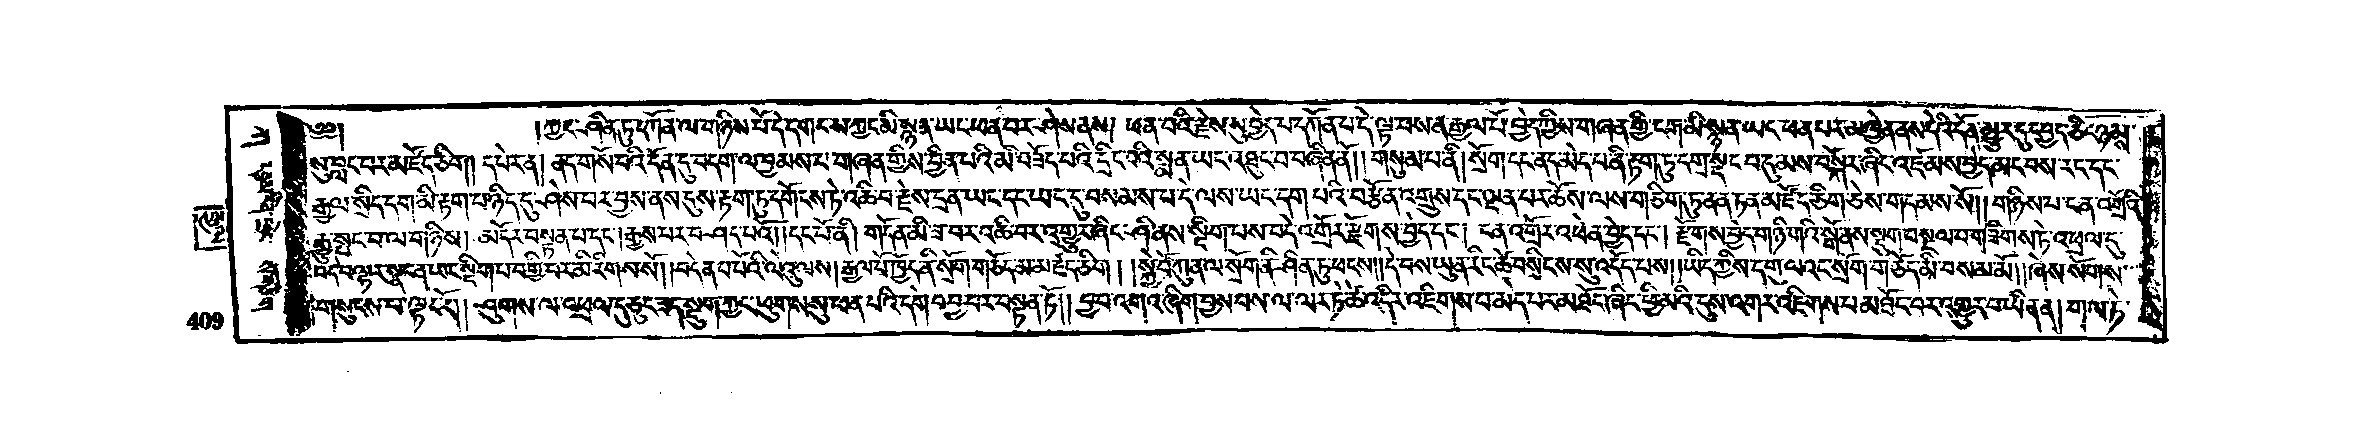༄༅། །ཀྱང་ཤིན་ཏུ་དཀོན་ལ་གཉིས་པོ་དེ་དགོངས་ཀྱང་མི་སྙན་ཡང་ཕན་པར་ཤེས་ནས། ཕན་པའི་རྗེས་སུ་བྱེད་པ་དཀོན་པ་དེ་ལྟ་བས་ན་རྒྱལ་པོ་བྱེད་ཀྱིས་གཞན་གྱི་ངག་མི་སྙན་ཡང་ཕན་པར་མཁྱེན་ནས་དེའི་དོན་མྱུར་དུ་དབྱད་ཅིང་ཉམས་
སུ་བླང་བར་མཛོད་ཅིག །དཔེར་ན། ནད་གསོ་བའི་དོན་དུ་བདག་ལ་བྱམས་པ་གཞན་གྱིས་བྱིན་པའི་མི་བཟོད་པའི་དྲིང་བའི་སྨན་ཡང་འཐུང་བ་བཞིན་ནོ། །གསུམ་པ་ནི། སྲོག་དང་ནད་མེད་པ་ནི་རྟག་ཏུ་དགྲ་སྡང་བ་དུ་མས་བསྐོར་ཞིང་འཇོམས་བྱེད་མང་བས་རང་དང་
རྒྱལ་སྲིད་དག་མི་རྟག་པ་ཉིད་དུ་ཤེས་པར་བྱས་ནས་དུས་རྟག་ཏུ་དགོངས་ཏེ་འཆི་བ་རྗེས་དྲན་ཡང་དང་ཡང་དུ་བསམས་པ་དེ་ལས་ཡང་དག་པའི་བརྩོན་འགྲུས་དང་ལྡན་པར་ཆོས་ལས་གཅིག་ཏུ་ནན་ཏན་མཛོད་ཅིག་ཅེས་གདམས་སོ། །གཉིས་པ་ངན་འགྲོའི་
རྒྱུ་སྤང་བ་ལ་གཉིས། མདོར་བསྟན་པ་དང་། རྒྱས་པར་བཤད་པའོ། །དང་པོ་ནི། གདོན་མི་ཟ་བར་འཆི་བར་འགྱུར་ཞིང་ཤི་ནས་སྡིག་པས་བདེ་འགྲོར་རྫོགས་བྱེད་དང་། ངན་འགྲོར་འཕེན་བྱེད་དང་། རྫོགས་བྱེད་གཉི་གའི་སྒོ་ནས་སྡུག་བསྔལ་བ་གཟིགས་ཏེ་འཕྲལ་དུ་
བདེ་བ་ལྟར་སྣང་ན་ཡང་སྡིག་པ་བགྱི་བར་མི་རིགས་སོ། །བདེན་པ་པོའི་ལེའུ་ལས། རྒྱལ་པོ་ཁྱོད་ནི་སྲོག་གཅོད་མ་མཛད་ཅིག །སྐྱེ་བོ་ཀུན་ལ་སྲོག་ནི་ཤིན་ཏུ་ཕངས། །དེ་བས་ཡུན་རིང་ཚེ་བསྲིངས་སུ་འདོད་པས། །ཡིད་ཀྱིས་དགུ་ལའང་སྲོག་གཅོད་མི་བསམ་མོ། །ཞེས་སོགས་
གསུངས་པ་ལྟར་རོ། །ཤུགས་ལ་འཕྲལ་དུ་ཅུང་ཟད་སྡུག་ཀྱང་ཕུགས་སུ་ཕན་པའི་དགེ་བ་བྱ་བར་བསྟན་ཏོ། །བྱ་བ་འགའ་ཞིག་བྱས་པས་ལ་ལར་ཏེ་ཚེ་འདིར་འཇིགས་པ་མེད་པར་མཐོང་ཞིང་ཕྱི་མའི་དུས་འགར་འཇིགས་པ་མཐོང་བར་འགྱུར་བ་ཡིན་ན། གལ་ཏེ་